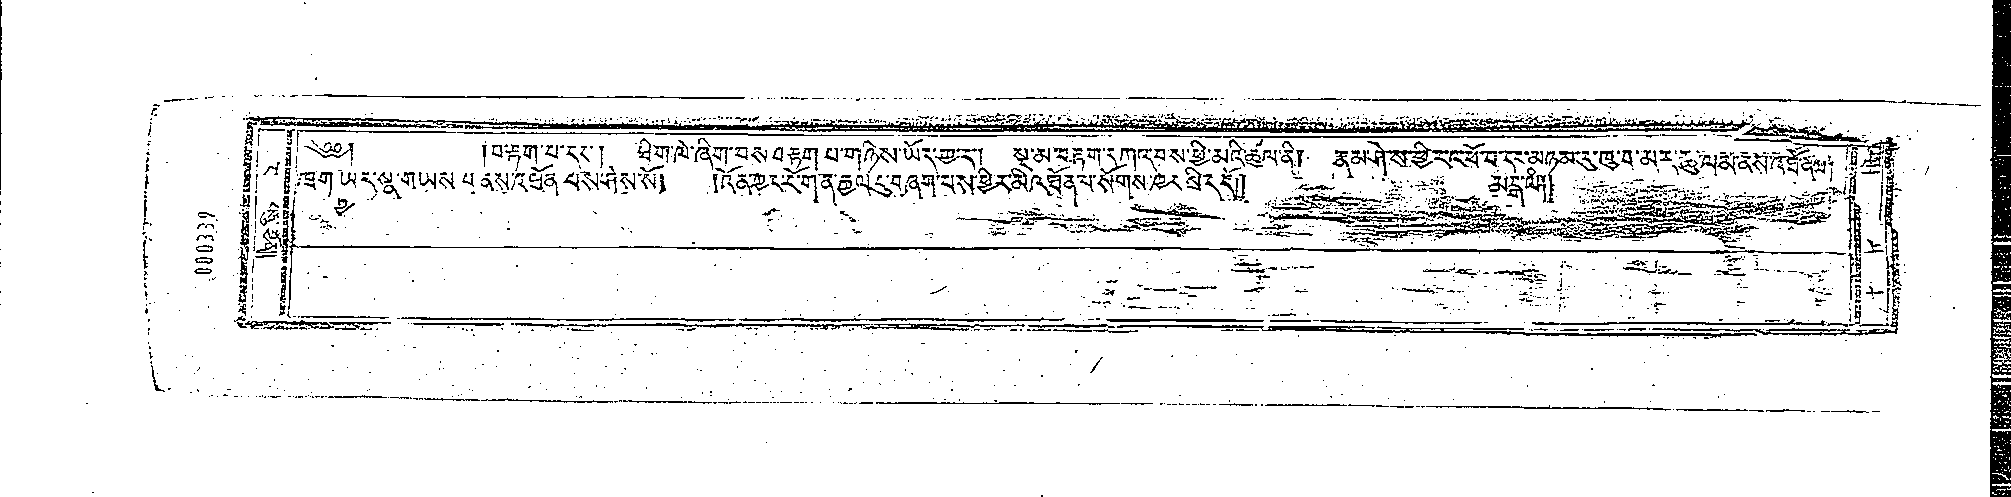༄༅། །བརྟག་པ་དང་། ཐིག་ལེ་ཞིག་བས་བརྟག་པ་གཉིས་ཡོད་ཀྱང་། སྔ་མ་བརྟག་དཀའ་བས་ཕྱི་མའི་ཚུལ་ནི། རྣམ་ཤེས་ཕྱིར་འཕོ་བ་དང་མཉམ་དུ་ཁུ་བ་མར་ཆུ་ལམ་ནས་འཐོན་ལ།
ཁྲག་ཡང་སྣ་གཡས་པ་ནས་འཐོན་པས་ཤེས་སོ། །འོན་ཀྱང་རོ་གན་རྒྱལ་དུ་བཞག་པས་ཕྱིར་མི་འཐོན་པ་སོགས་ཀྱང་སྲིད་དོ།། མངྒ་ལཾ།། །།